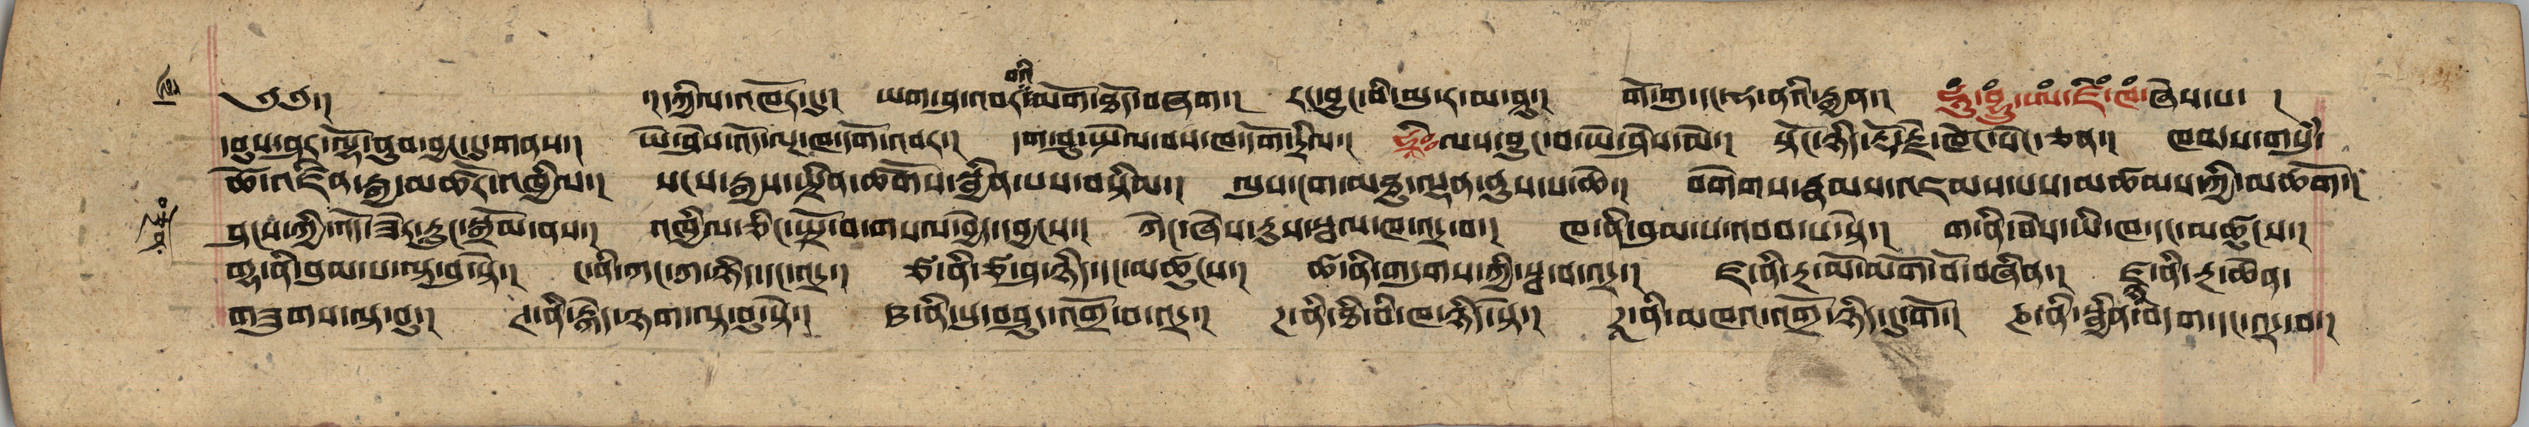༄༅་། ་།དཀྱིལ་འཁོར་དུ་། ཡག་ཤ་འབར་བའི་མགོ་ཐོད་བཞག་། རང་བྱུང་བི་མུ་ར་མ་ཤུ་། གོ་གུ་དང་ཧ་ནའི་རྒྱན་། ཧཱུཾ་བྷྲུཾ་ཨཾ་ཛིཾ་ཁཾ་ཞེས་པ་ །
དབུས་ཤར་ལྷོ་ནུབ་བྱང་དུ་གནས་། ཡེ་ཤེས་འོད་ལྔ་ཁ་དོག་འབར་། དག་ཤུ་སྤེལ་བས་ཁ་དོག་དྲིལ་། ཧྲཱིཿལས་བྱུང་བ་ཡེ་ཤེས་མེ་། སྟོང་ཉིད་རྡོ་རྗེ་ཁོང་སེང་ཅན་། ཁམས་གསུཾ་
ཚེ་འཛིན་རྒྱ་མཚོར་འཁྱིལ་། སངས་རྒྱས་སྤྲིན་ཚོགས་སྦྱིན་པས་བསྟིམ་། ལུས་ངག་མཐུ་ལྡན་ནུས་པ་ཆེ་། བགེགས་རྣམས་འཇམས་པས་མཚམས་ཀྱི་མཆོག་།
ཤངས་ཀྱི་འོད་ཟེར་རླུང་སྒྲོམ་ནས་། འཁྱིལ་ཅིང་སྤྲོ་བ་གསལ་བྱེད་དབྱངས་། ཀེང་ཞེས་རུས་སྦལ་ཁ་འདྲ་བ་། ཁ་ནི་བུམ་པ་འབབ་པ་སྟེ་། ག་ནི་བེས་ཡི་ཁ་དང་མཚུངས་།
གྷ་ནི་བུམ་པ་ལྟ་བུ་སྟེ་། ང་ནི་ཀང་ཀ་ཉིད་དང་འདྲ་། ཙ་ནི་ཙ་ཤ་ཉིད་དང་མཚུངས་། ཚ་ནི་གདུགས་ཀྱི་སྦ་བ་འདྲ་། ཛ་ནི་རྔ་མོ་མགོ་བོ་བཞིན་། ཛྷ་ནི་རྔ་ཆེན་
གཟུགས་ལྟ་བུ་། ཊ་ནི་རྒེད་ཉག་ལྟ་བུ་སྟེ་། ཋ་ནི་པུ་བཤུད་འགྲོ་བ་འདྲ་། ཌ་ནི་ཐི་བི་ཁ་ཉིད་སྟེ་། ཌ་ནི་མཁའ་འགྲོ་ཉིད་དུ་གོ་། ཎ་ནི་སྦྱིན་བདག་དང་འདྲ་བ་།